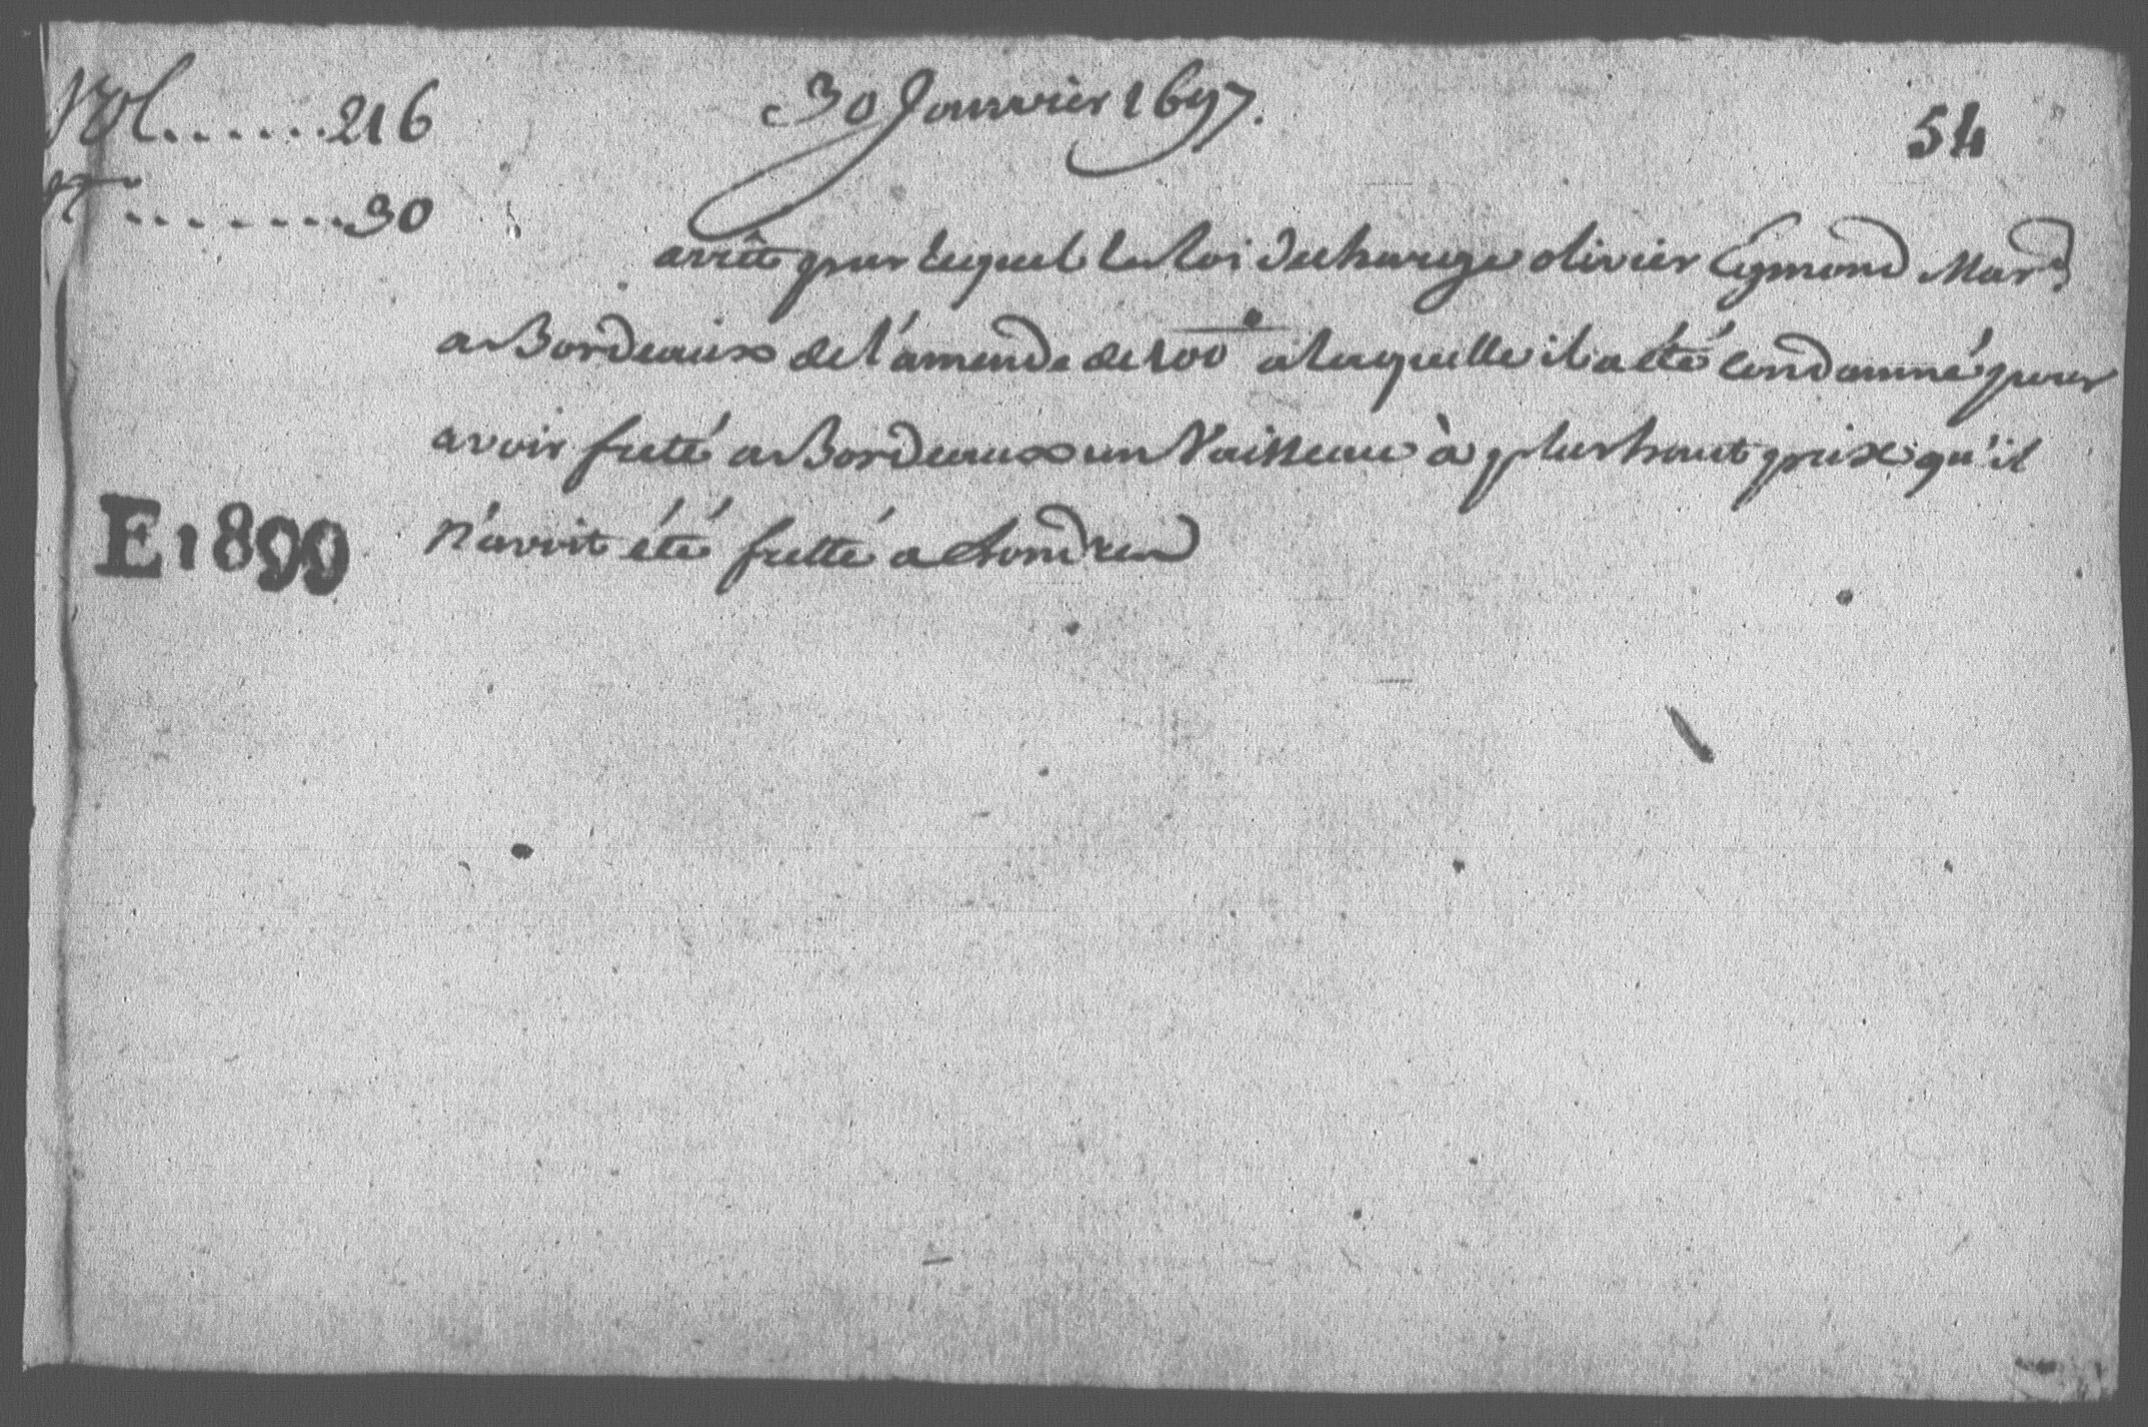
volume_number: n°30
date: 30 janvier 1697
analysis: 54
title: Arrêt par lequel le Roi décharge olivier Egmond Mar.d a Bordeaux de l'amende de 400 # a laquelle il a été condamné pour avoir freté a Bordeaux un vaisseau à plus haut prix qu'il n'avoit été fretté a Londres
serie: E
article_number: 1899
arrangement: vol. 216
